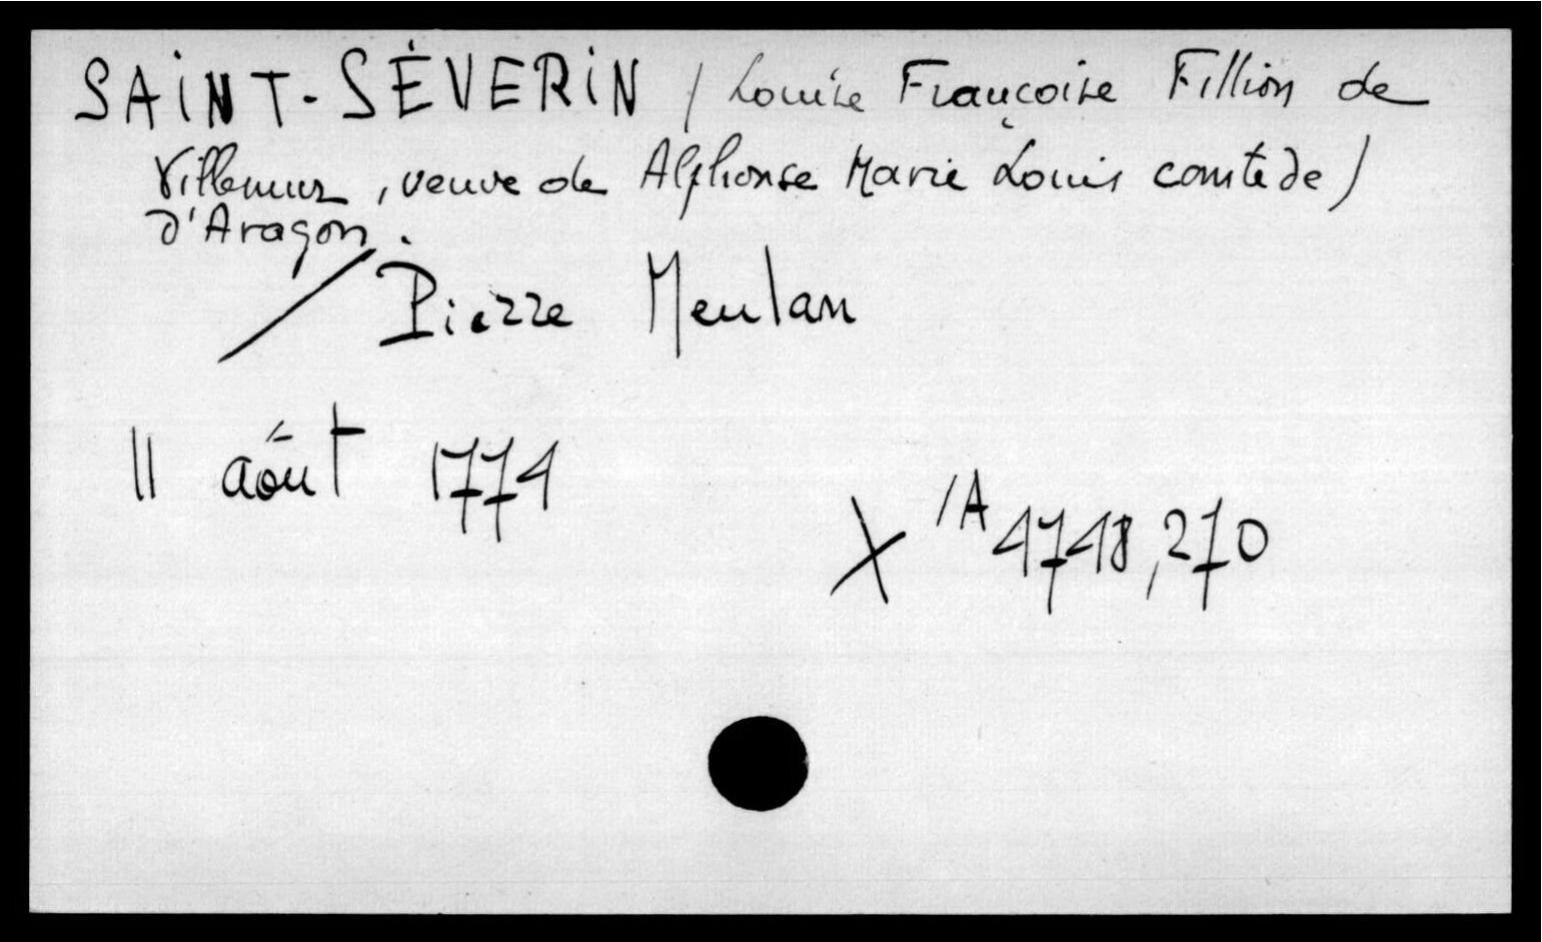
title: SAINT-SÉVERIN (Louise Françoise Fillion de Villemur, veuve de Alphonse Marie Louis comte de) d'Aragon.
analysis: Contre Pierre Meulan
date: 11 août 1774
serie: X1A
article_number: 4748
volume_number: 270
